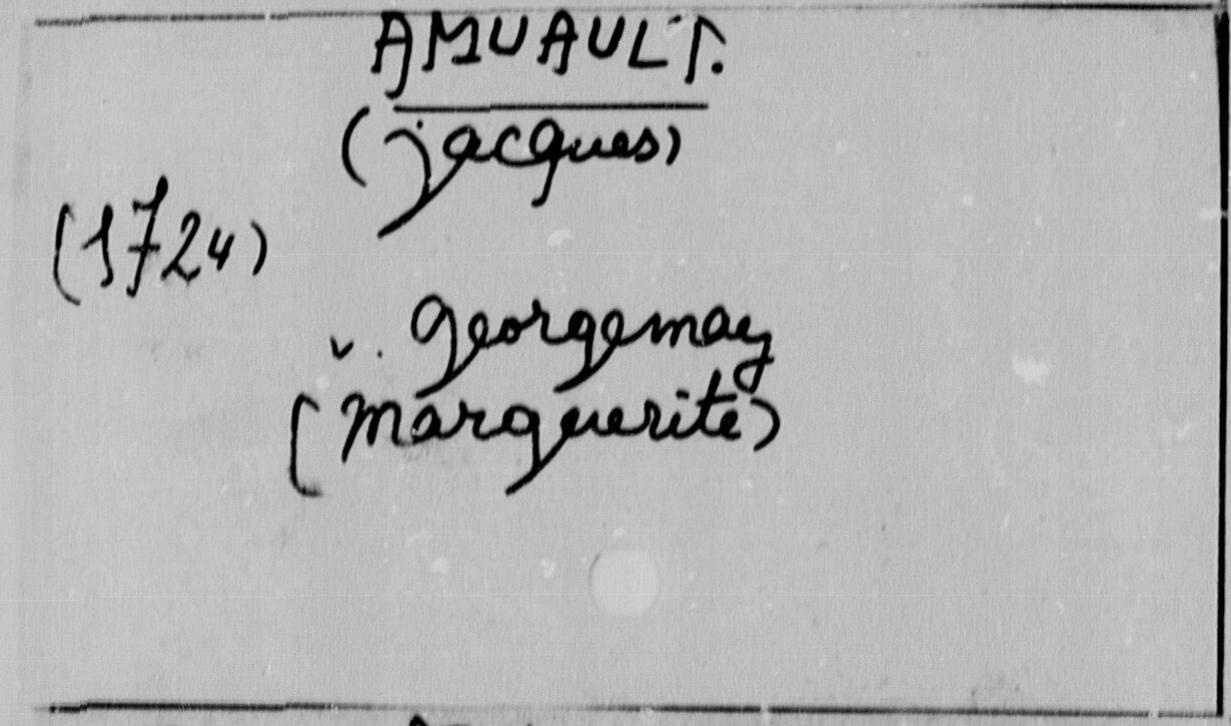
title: AMUAULT (Jacques)
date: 1724
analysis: Voir GEORGEMAY (Marguerite)
